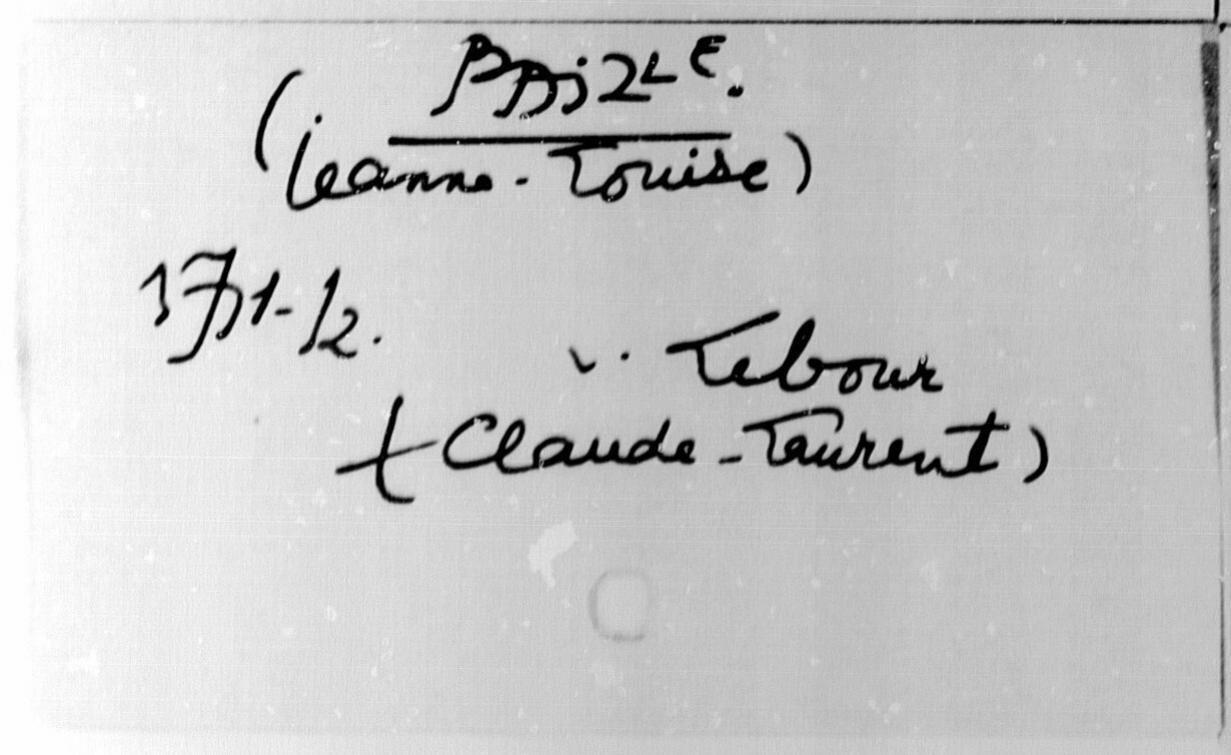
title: BAILLE (Jeanne-Louise)
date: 1711-1712
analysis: Voir Lebour (Claude-Laurent)
